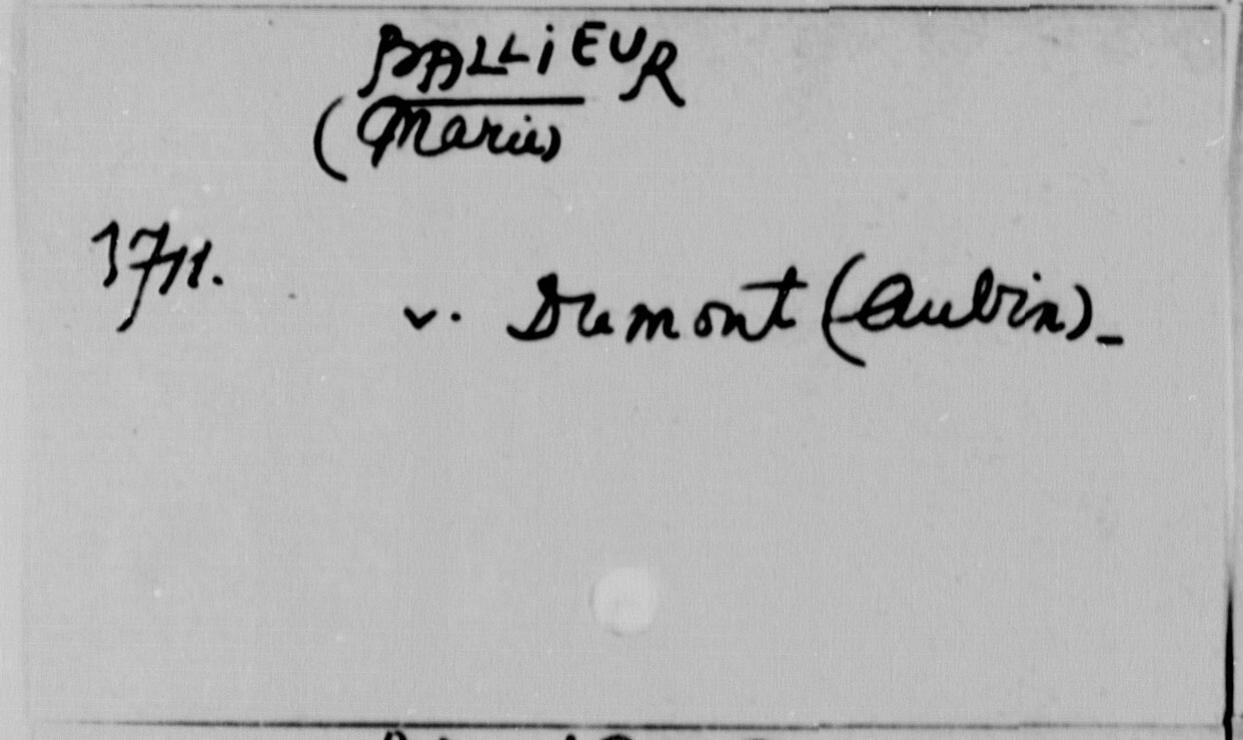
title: BALLIEUR (Marie)
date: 1711
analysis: Voir DUMONT (Aubin)
